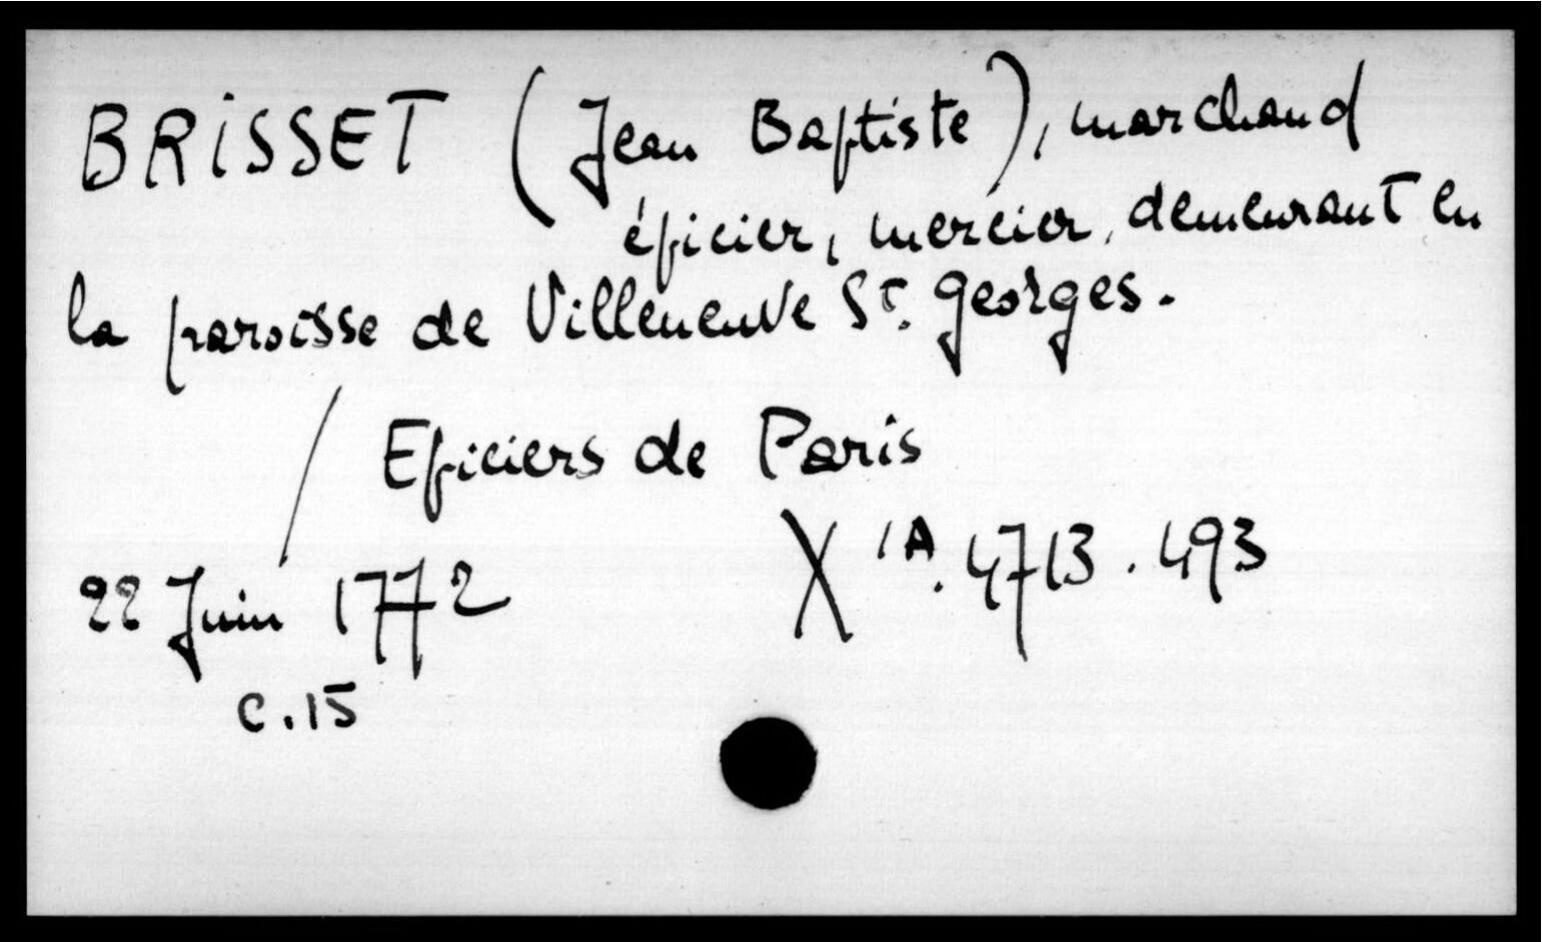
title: BRISSET (Jean Baptiste), marchand épicier, mercier, demeurant en la praroisse de Villeneuve Saint-Georges
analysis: Contre Épiciers de Paris
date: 22 juin 1772
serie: X1A
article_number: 4713
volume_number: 493 Conseil, 15
